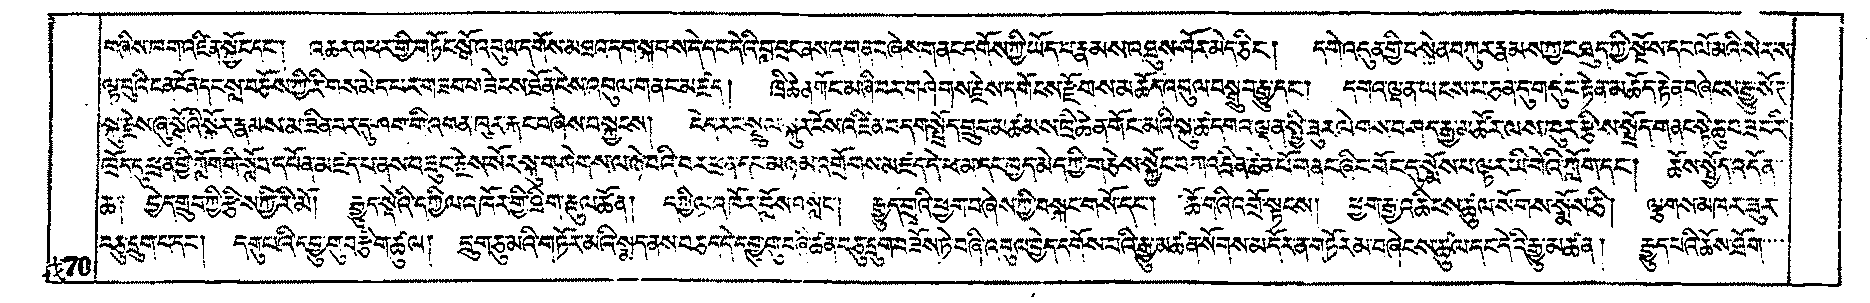གཞིས་ཁག་འཛིན་སྐྱོང་དང་། འཆར་འཕར་གྱི་གཏོང་སྒོ་འབུལ་དགོས་མཐའ་དག་སྐབས་དེ་དང་དེའི་བླ་བྲང་ནས་འགན་བཞེས་གནང་དགོས་ཀྱི་ཡོད་པ་རྣམས་འཐུས་ཤོར་མེད་ཅིང་། དགེ་འདུན་གྱི་བསྙེན་བཀུར་རྣམས་ཀྱང་ཐུད་ཀྱི་སྔོ་ས་དང་ལོ་མའི་སེར་ས་
ལྟ་བུའི་ངན་ངོན་དང་སླ་བཅོས་ཀྱི་རིགས་མེད་པར་གཟབ་གཟེངས་ཐོན་ངེས་འབུལ་གནང་མཛད། ཁྲི་ཆེན་གོང་མ་ཞི་བར་གཤེགས་རྗེས་དགོངས་རྫོགས་མཆོད་འབུལ་བསྒྲུབ་རྒྱུ་དང་། དགའ་ལྡན་ཡངས་པ་ཅན་དུ་གདུང་རྟེན་མཆོད་རྟེན་བཞེངས་རྒྱུ་སོགས་
སྐུ་རྗེས་ཞུ་སྒོའི་སྐོར་རྣམས་མ་ཟིན་བར་དུ་ཤག་གི་འགན་ཁུར་རྐང་བཞེས་བསྐྱངས། ངེད་རང་སྤྲུལ་སྐུར་ངོས་འཛིན་བདག་སྤྲོད་གྲུབ་མཚམས་ཁྲི་ཆེན་གོང་མའི་སྐུ་ཚ་དགའ་ལྡན་སྤྱི་ཟུར་ལེགས་བཤད་རྒྱ་མཚོར་ལས་ཁུར་རྩིས་སྤྲོད་གནང་སྟེ་ཆུ་བཟང་རི་
ཁྲོད་དུ་ཕྲན་གྱི་ཀློག་གི་སློབ་དཔོན་མཛད་པ་ནས་བཟུང་རྗེས་སོར་སྐུ་གཤེགས་ལ་ཉེ་བའི་བར་ཕྲན་དང་མཉམ་འགྲོགས་མཛད་དེ་ཕ་མ་དང་ཁྱད་མེད་ཀྱི་གཅེས་སྐྱོང་བཀའ་དྲིན་ཆེན་པོ་གནང་ཞིང་གོང་དུ་སྨོས་པ་ལྟར་ཡི་གེའི་ཀློག་དང་། ཆོས་སྤྱོད་འདོན་
ཆ༑ བྱེད་གྲུབ་ཀྱི་རྩིས་ཀྱི་རི་མོ། རྒྱུད་སྡེའི་དཀྱིལ་འཁོར་གྱི་ཐིག་རྡུལ་ཚོན། དཀྱིལ་འཁོར་བློས་བསླང་། རྒྱུད་གྲྭའི་ཕྱག་བཞེས་ཀྱི་བསྐང་གསོ་དང་། ཆོ་གའི་འགྲོ་སྟངས། ཕྱག་རྒྱ་འཆིངས་ཚུལ་སོགས་སྨོས་ཅི། ལྕགས་མཁར་ཟུར་
བཅུ་དྲུག་པ་དང་། དགུ་པའི་དབྱུ་གུ་བརྩིག་ཚུལ། དྲུག་ཅུ་མའི་གཏོར་མའི་སྨད་ནས་བཅད་དེ་དབྱུ་གུ་བཞི་ཚན་བཅུ་དྲུག་བཟོས་ཏེ་བཞི་འབུལ་བྱེད་དགོས་པའི་རྒྱུ་མཚན་སོགས་མདོར་ན་གཏོར་མ་བཞེངས་ཚུལ་དང་དེའི་རྒྱུ་མཚན། རྒྱུད་པའི་ཆོས་ཐོག་